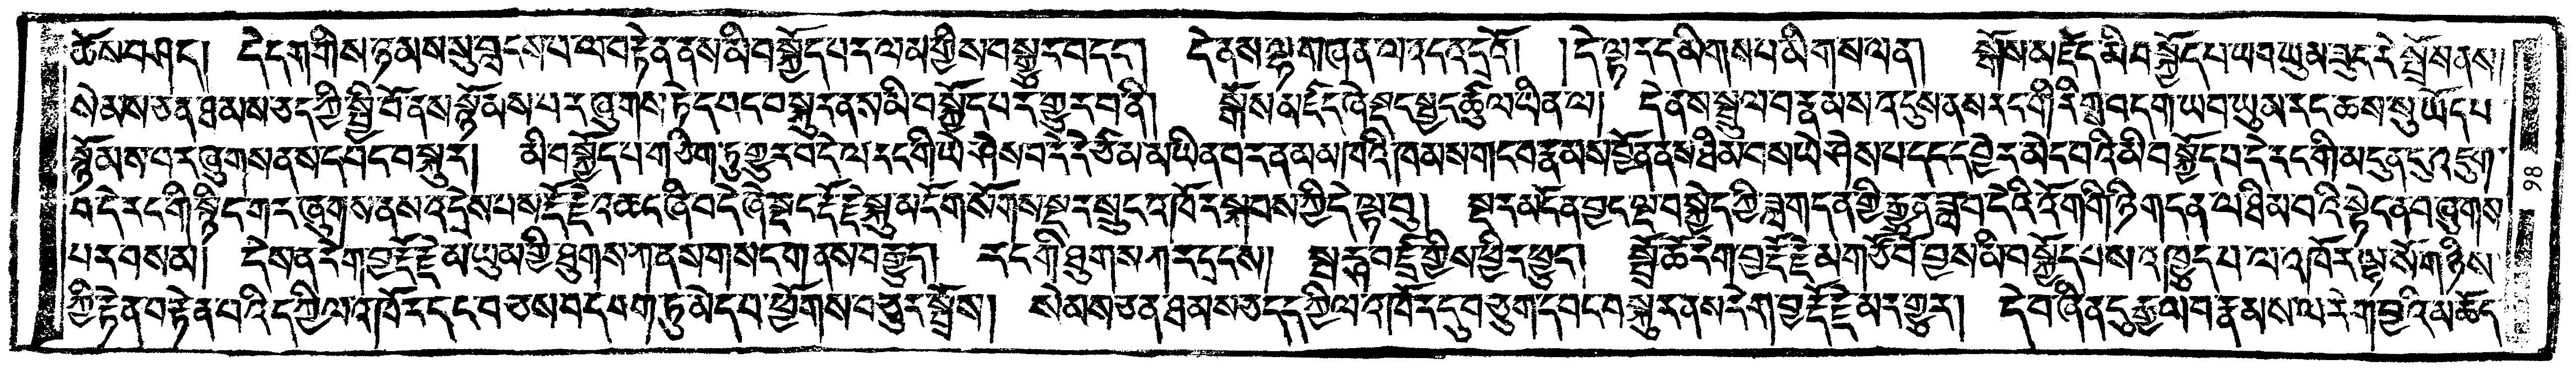ཆོས་བཤད། དེ་དག་གིས་ཉམས་སུ་བླངས་པ་ལ་བརྟེན་ནས་མི་བསྐྱོད་པར་ལམ་གྱིས་བསྒྱུར་པ་དང་། དེ་ནས་ལྷ་གཞན་ལའང་འདྲའོ། །དེ་ལྟར་དམིགས་པ་མི་གསལ་ན། སྒོས་མཛད་མི་བསྐྱོད་པ་ཡབ་ཡུམ་ཟུང་རེ་སྤྲོས་ནས།
སེམས་ཅན་ཐམས་ཅད་ཀྱི་སྤྱི་བོ་ནས་སྙོམས་པར་ཞུགས་ཏེ་དབང་བསྐུར་ནས་མི་བསྐྱོད་པར་གྱུར་བ་ནི། སྒོས་མཛད་ཞེ་སྡང་སྦྱང་ཚུལ་ཡིན་ལ། དེ་ནས་སྤྲུལ་བ་རྣམས་འདུས་ནས་རང་གི་རིགས་བདག་ཡབ་ཡུམ་རང་ཆས་སུ་ཡོད་པ་
སྙོམས་པར་ཞུགས་ནས་དབང་བསྐུར། མི་བསྐྱོད་པ་གཅིག་ཏུ་གྱུར་བ་དེ་ལ་རང་གི་ཡེ་ཤེས་བ་རེ་རེ་ཙམ་མ་ཡིན་པར་ནམ་མཁའི་ཁམས་གང་བ་རྣམས་བྱོན་ནས་ཐིམ་བས་ཡེ་ཤེས་པ་དང་དབྱེར་མེད་པའི་མི་བསྐྱོད་པ་དེ་རང་གི་མདུན་དུ་འཇུག་
བ་དེ་རང་གི་སྙིང་གར་ཞུགས་ནས་འདྲེས་པས་རྡོ་རྗེ་འཆང་ཞི་བདེ་ཞེ་སྡང་རྡོ་རྗེ་སྐུ་མདོག་སོགས་སྔར་སྲུང་འཁོར་སྐབས་ཀྱི་དེ་ལྟ་བུ། སྔར་མངོན་བྱང་ལྔ་བསྐྱེད་ཀྱི་ཟླ་གདན་གྱི་རྒྱུན་ཟླ་བ་དེའི་འོག་གི་ཉི་གདན་ལ་ཐིམ་པའི་སྟེང་ན་བཞུགས་
པར་བསམ། དེས་ན་རེག་བྱ་རྡོ་རྗེ་མ་ཡུམ་གྱི་ཐུགས་ཀ་ནས་གསང་གནས་བརྒྱུད། རང་གི་ཐུགས་ཀར་དྲངས། སྦརྴ་བཛྲ་གྱིས་ཕྱིར་ཕྱུང་། སྤྲོ་ཚོ་རེག་བྱ་རྡོ་རྗེ་མ་གཙོ་བོ་བྱས་མི་བསྐྱོད་པས་འཁྱུད་པ་ལ་འཁོར་ལྷ་སོ་གཉིས་
ཀྱི་རྟེན་བརྟེན་པའི་དཀྱིལ་འཁོར་དང་བཅས་བ་དཔག་ཏུ་མེད་པ་ཕྱོགས་བཅུར་སྤྲོས། སེམས་ཅན་ཐམས་ཅད་དཀྱིལ་འཁོར་དུ་བཅུག་དབང་བསྐུར་ནས་རེག་བྱ་རྡོ་རྗེ་མར་གྱུར། དེ་བཞིན་དུ་རྒྱལ་བ་རྣམས་ལ་རེག་བྱའི་མཆོད་